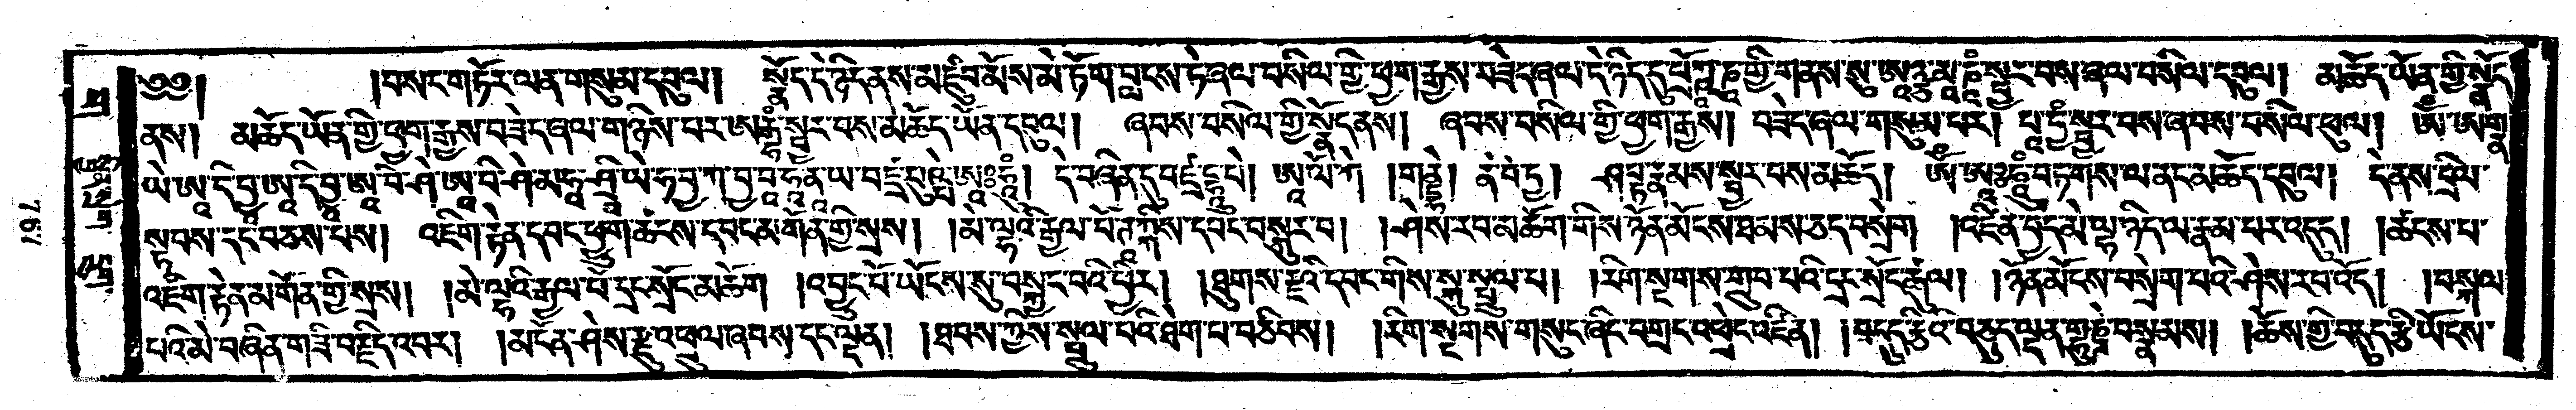༄༅། །བསང་གཏོར་ལན་གསུམ་དབུལ། སྣོད་དེ་ཉིད་ནས་མཛུབ་མོས་མེ་ཏོག་བླངས་ཏེ་ཞལ་བསིལ་གྱི་ཕྱག་རྒྱས་བཟེད་ཞལ་དེ་ཉིད་དུ་པྲོཀྵཱ་ཎཱ་གྱི་གནས་སུ་ཨཱཉྩ་མཱ་ཎཱཾ་སྦྱར་བས་ཞལ་བསིལ་དབུལ། མཆོད་ཡོན་གྱི་སྣོད་
ནས། མཆོད་ཡོན་གྱི་ཕྱག་རྒྱས་བཟེད་ཞལ་གཉིས་བར་ཨརྒྷཾ་སྦྱར་བས་མཆོད་ཡོན་དབུལ། ཞབས་བསིལ་གྱི་སྣོད་ནས། ཞབས་བསིལ་གྱི་ཕྱག་རྒྱས། བཟེད་ཞལ་གསུམ་པར། པཱ་དྱཾ་སྦྱར་བས་ཞབས་བསིལ་ཕུལ། ཨོཾ་ཨགན་
ཡེ་ཨཱ་དི་བྱཱ་ཨཱ་དི་བྱཱ་ཨཱ་བེ་ཤེ་ཨཱ་བི་ཤེ་མཧཱ་ཤྲཱི་ཡེ་ཧ་བྱ་ཀ་བྱ་བཱ་ཧཱ་ནཱ་ཡ་བཛྲ་པུཥྤེ་ཨཱཿཧཱུཾ། དེ་བཞིན་དུ་བཛྲ་དྷཱུ་པེ། ཨཱ་ལོ་ཀེ །གནྡྷེ། ནེ་བེ་དྱ། ཤཔྟ་རྣམས་སྦྱར་བས་མཆོད། ཨོཾ་ཨཱཿཧཱུཾ་བཏ་གས་ལ་ནང་མཆོད་དབུལ། དེ་ནས་དྲིལ་
སྟབས་དང་བཅས་པས། འཇིག་རྟེན་དབང་ཕྱུག་ཚངས་དབང་མགོན་གྱི་སྲས། །མེ་ལྷའི་རྒྱལ་པོ་ཊཱཀྐིས་དབང་བསྐུར་བ། །ཤེས་རབ་མཆོག་གིས་ཉོན་མོངས་ཐམས་ཅད་བསྲེག །འཛིན་བྱད་མེ་ལྷ་ཉིད་ལ་རྣམ་པར་འདུད། །ཚངས་པ་
འཇིག་རྟེན་མགོན་གྱི་སྲས། །མེ་ལྷའི་རྒྱལ་པོ་དྲང་སྲོང་མཆོག །འབྱུང་པོ་ཡོངས་སུ་བསྐྱང་བའི་ཕྱིར། །ཐུགས་རྗེའི་དབང་གིས་སྐུ་སྤྲུལ་པ། །རིག་སྔགས་གྲུབ་པའི་དྲང་སྲོང་ཚུལ། །ཉོན་མོངས་བསྲེག་པའི་ཤེས་རབ་འོད། །བསྐལ་
པའི་མེ་བཞིན་གཟི་བརྗིད་འབར། །མངོན་ཤེས་རྫུ་འཕྲུལ་ཞབས་དང་ལྡན། །ཐབས་ཀྱིས་སྤྲུལ་པའི་ཐེག་པ་བཅིབས། །རིག་སྔགས་གསུང་ཞིང་བགྲང་འཕྲེང་འཛིན། །བདུད་རྩིའི་བཅུད་ལྡན་གྷུཎྜེ་བསྣམས། །ཆོས་ཀྱི་བདུད་རྩི་ཡོངས་